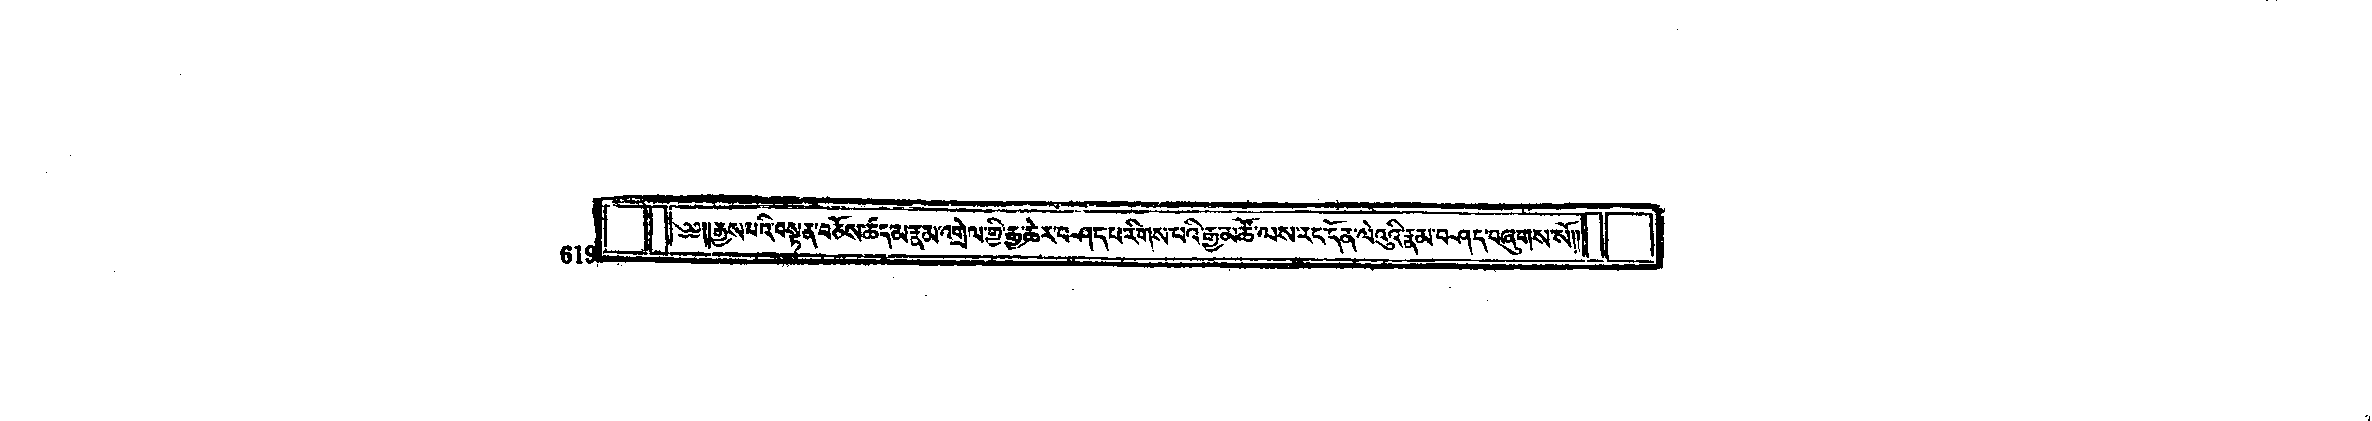༄༅། །རྒྱས་པའི་བསྟན་བཅོས་ཚད་མ་རྣམ་འགྲེལ་གྱི་རྒྱ་ཆེར་བཤད་པ་རིགས་པའི་རྒྱ་མཚོ་ལས་རང་དོན་ལེའུའི་རྣམ་བཤད་བཞུགས་སོ།།